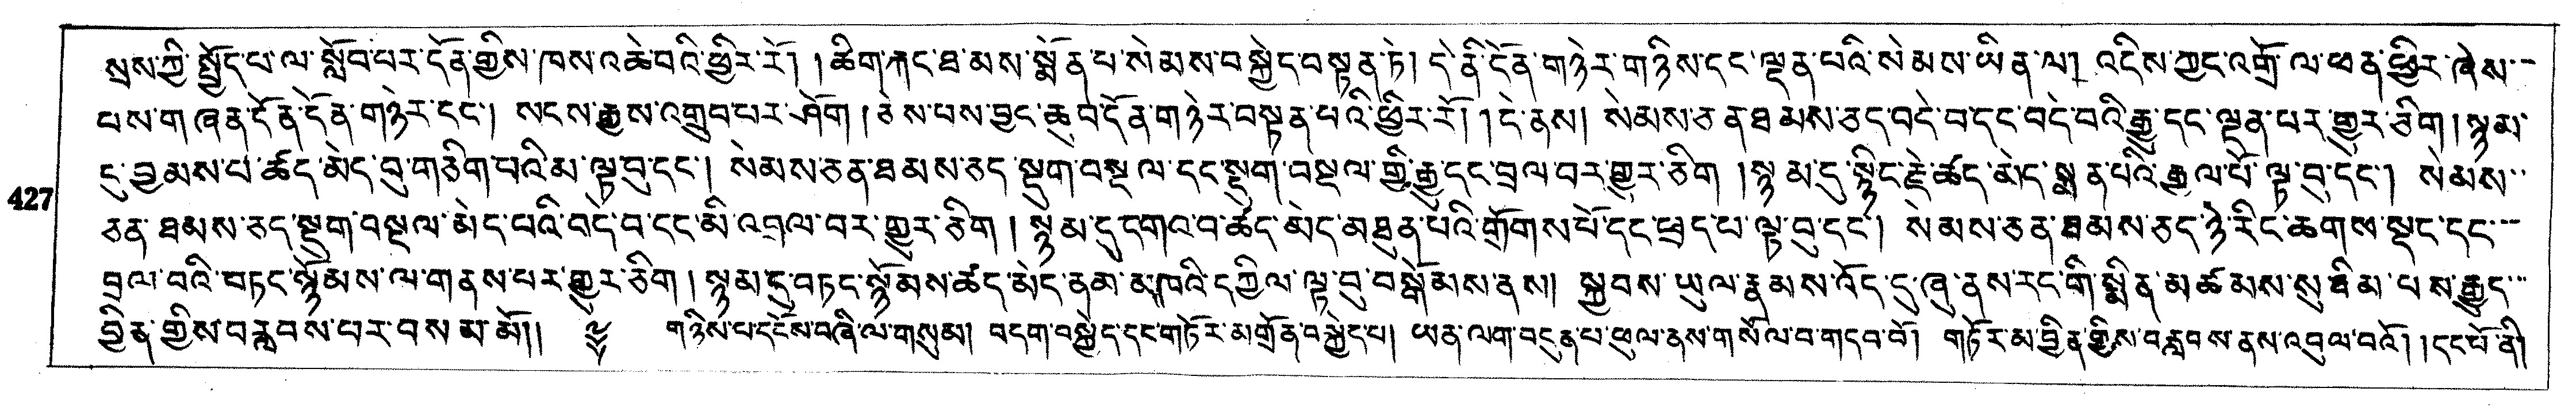སྲས་ཀྱི་སྤྱོད་པ་ལ་སློབ་པར་དོན་གྱིས་ཁས་འཆེ་བའི་ཕྱིར་རོ། །ཚིག་རྐང་ཐ་མས་སྨོན་པ་སེམས་བསྐྱེད་བསྟན་ཏེ། དེ་ནི་དོན་གཉེར་གཉིས་དང་ལྡན་པའི་སེམས་ཡིན་ལ། འདིས་ཀྱང་འགྲོ་ལ་ཕན་ཕྱིར་ཞེས་
པས་གཞན་དོན་དོན་གཉེར་དང་། སངས་རྒྱས་འགྲུབ་པར་ཤོག །ཅེས་པས་བྱང་ཆུབ་དོན་གཉེར་བསྟན་པའི་ཕྱིར་རོ། །དེ་ནས། སེམས་ཅན་ཐམས་ཅད་བདེ་བ་དང་བདེ་བའི་རྒྱུ་དང་ལྡན་པར་གྱུར་ཅིག །སྙམ་
དུ་བྱམས་པ་ཚད་མེད་བུ་གཅིག་པའི་མ་ལྟ་བུ་དང་། སེམས་ཅན་ཐམས་ཅད་སྡུག་བསྔལ་དང་སྡུག་བསྔལ་གྱི་རྒྱུ་དང་བྲལ་བར་གྱུར་ཅིག །སྙམ་དུ་སྙིང་རྗེ་ཚད་མེད་སྨན་པའི་རྒྱལ་པོ་ལྟ་བུ་དང་། སེམས་
ཅན་ཐམས་ཅད་སྡུག་བསྔལ་མེད་པའི་བདེ་བ་དང་མི་འབྲལ་བར་གྱུར་ཅིག །སྙམ་དུ་དགའ་བ་ཚད་མེད་མཐུན་པའི་གྲོགས་པོ་དང་ཕྲད་པ་ལྟ་བུ་དང་། སེམས་ཅན་ཐམས་ཅད་ཉེ་རིང་ཆགས་སྡང་དང་
བྲལ་བའི་བཏང་སྙོམས་ལ་གནས་པར་གྱུར་ཅིག །སྙམ་དུ་བཏང་སྙོམས་ཚད་མེད་ནམ་མཁའི་དཀྱིལ་ལྟ་བུ་བསྒོམས་ནས། སྐྱབས་ཡུལ་རྣམས་འོད་དུ་ཞུ་ནས་རང་གི་སྨིན་མཚམས་སུ་ཐིམ་པས་རྒྱུད་
བྱིན་གྱིས་བརླབས་པར་བསམ་མོ།། ༈ གཉིས་པ་དངོས་བཞི་ལ་གསུམ། བདག་བསྐྱེད་དང་གཏོར་མགྲོན་བསྐྱེད་པ། ཡན་ལག་བདུན་པ་ཕུལ་ནས་གསོལ་བ་གདབ་བོ། གཏོར་མ་བྱིན་གྱིས་བརླབས་ནས་འབུལ་བའོ། །དང་པོ་ནི།